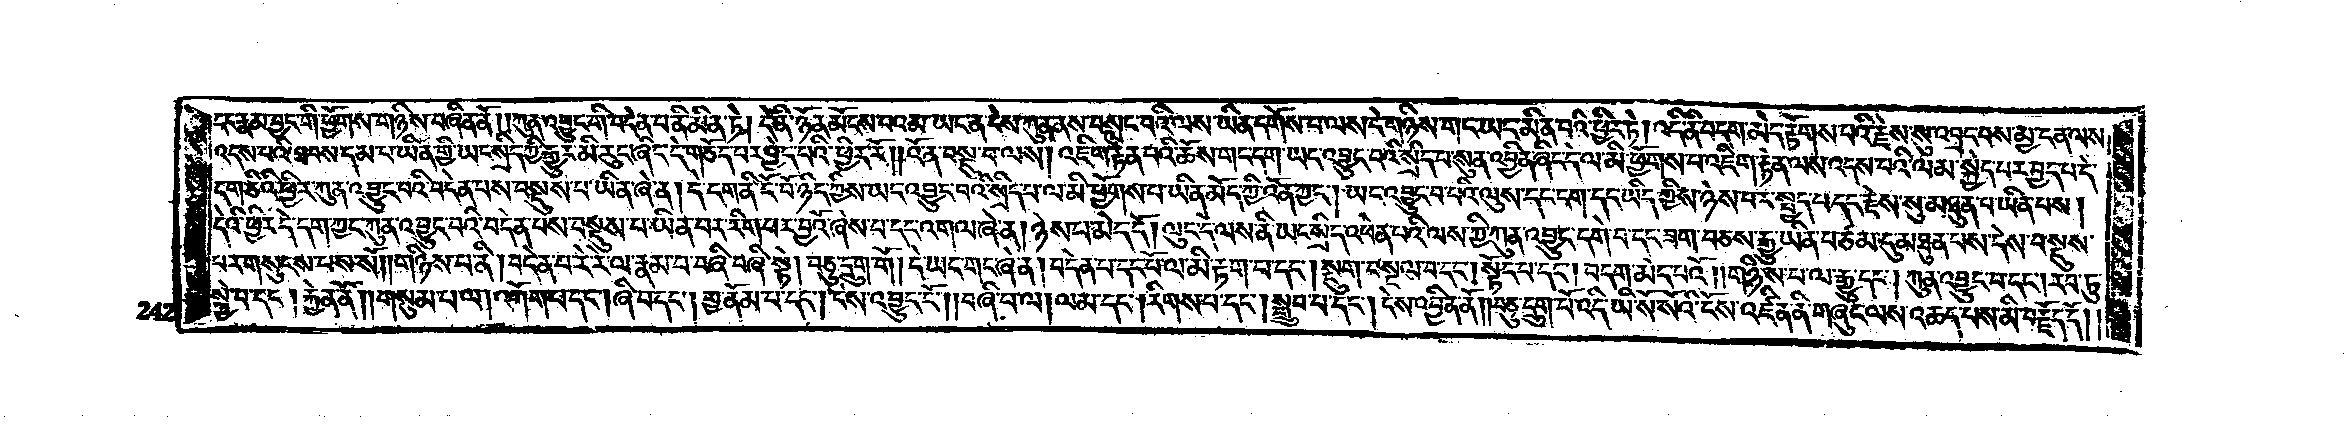དང་རྣམ་བྱང་གི་ཕྱོགས་གཉིས་བཞིན་ནོ། །ཀུན་འབྱུང་གི་བདེན་པ་ནི་མིན་ཏེ། དེ་ནི་ཉོན་མོངས་པའམ་ཡང་ན་དེས་ཀུན་ནས་བསླང་བའི་ལས་ཡིན་དགོས་པ་ལས་དེ་གཉིས་གང་ཡང་མིན་པའི་ཕྱིར་ཏེ། འདི་ནི་བདག་མེད་རྟོགས་པའི་རྗེས་སུ་འབྲང་བས་མྱ་ངན་ལས་
འདས་པའི་ཐབས་དམ་པ་ཡིན་གྱི་ཡང་སྲིད་ཀྱི་རྒྱུར་མི་རུང་ཞིང་དེ་གཅོད་པར་བྱེད་པའི་ཕྱིར་རོ། །འོ་ན་བསྡུ་བ་ལས། འཇིག་རྟེན་པའི་ཆོས་གང་དག་ཡང་འབྱུང་བའི་སྲིད་པ་སུན་འབྱིན་ཞིང་དེ་ལ་མི་ཕྱོགས་པ་འཇིག་རྟེན་ལས་འདས་པའི་ལམ་སྐྱེད་པར་བྱད་པ་དེ་
དག་ཅིའི་ཕྱིར་ཀུན་འབྱུང་བའི་བདེན་པས་བསྡུས་པ་ཡིན་ཞེ་ན། དེ་དག་ནི་ངོ་བོ་ཉིད་ཀྱིས་ཡང་འབྱུང་བའི་སྲིད་པ་ལ་མི་ཕྱོགས་པ་ཡིན་མོད་ཀྱི་འོན་ཀྱང་། ཡང་འབྱུང་བ་པའི་ལུས་དང་ངག་དང་ཡིད་ཀྱིས་ཉེས་པར་སྤྱད་པ་དང་རྗེས་སུ་མཐུན་པ་ཡིན་པས།
དེའི་ཕྱིར་དེ་དག་ཀྱང་ཀུན་འབྱུང་བའི་བདེན་པས་བསྡུས་པ་ཡིན་པར་རིག་པར་བྱའོ་ཞེས་པ་དང་འགལ་ཞེ་ན། ཉེས་པ་མེད་དེ། ལུང་དེ་ལས་ནི་ཡང་སྲིད་འཕེན་པའི་ལས་ཀྱི་ཀུན་འབྱུང་དགེ་བ་དང་ཟག་བཅས་རྒྱུ་ཡིན་པ་ཙམ་དུ་མཐུན་པས་དེས་བསྡུས་
པར་གསུངས་པས་སོ། །གཉིས་པ་ནི། བདེན་པ་རེ་རེ་ལ་རྣམ་པ་བཞི་བཞི་སྟེ། བཅུ་དྲུག་གོ །དེ་ཡང་གང་ཞེ་ན། བདེན་པ་དང་པོ་ལ་མི་རྟག་པ་དང་། སྡུག་བསྔལ་བ་དང་། སྟོང་པ་དང་། བདག་མེད་པའོ། །གཉིས་པ་ལ་རྒྱུ་དང་། ཀུན་འབྱུང་བ་དང་། རབ་ཏུ་
སྐྱེ་བ་དང་། རྐྱེན་ནོ། །གསུམ་པ་ལ། འགོག་པ་དང་། ཞི་བ་དང་། གྱ་ནོམ་པ་དང་། ངེས་འབྱུང་ངོ། །བཞི་པ་ལ། ལམ་དང་། རིགས་པ་དང་། སྒྲུབ་པ་དང་། ངེས་འབྱིན་ནོ། །བཅུ་དྲུག་པོ་འདི་ཡི་སོ་སོའི་ངོས་འཛིན་ནི་གཞུང་ལས་འཆད་པས་མི་བརྗོད་དོ། །